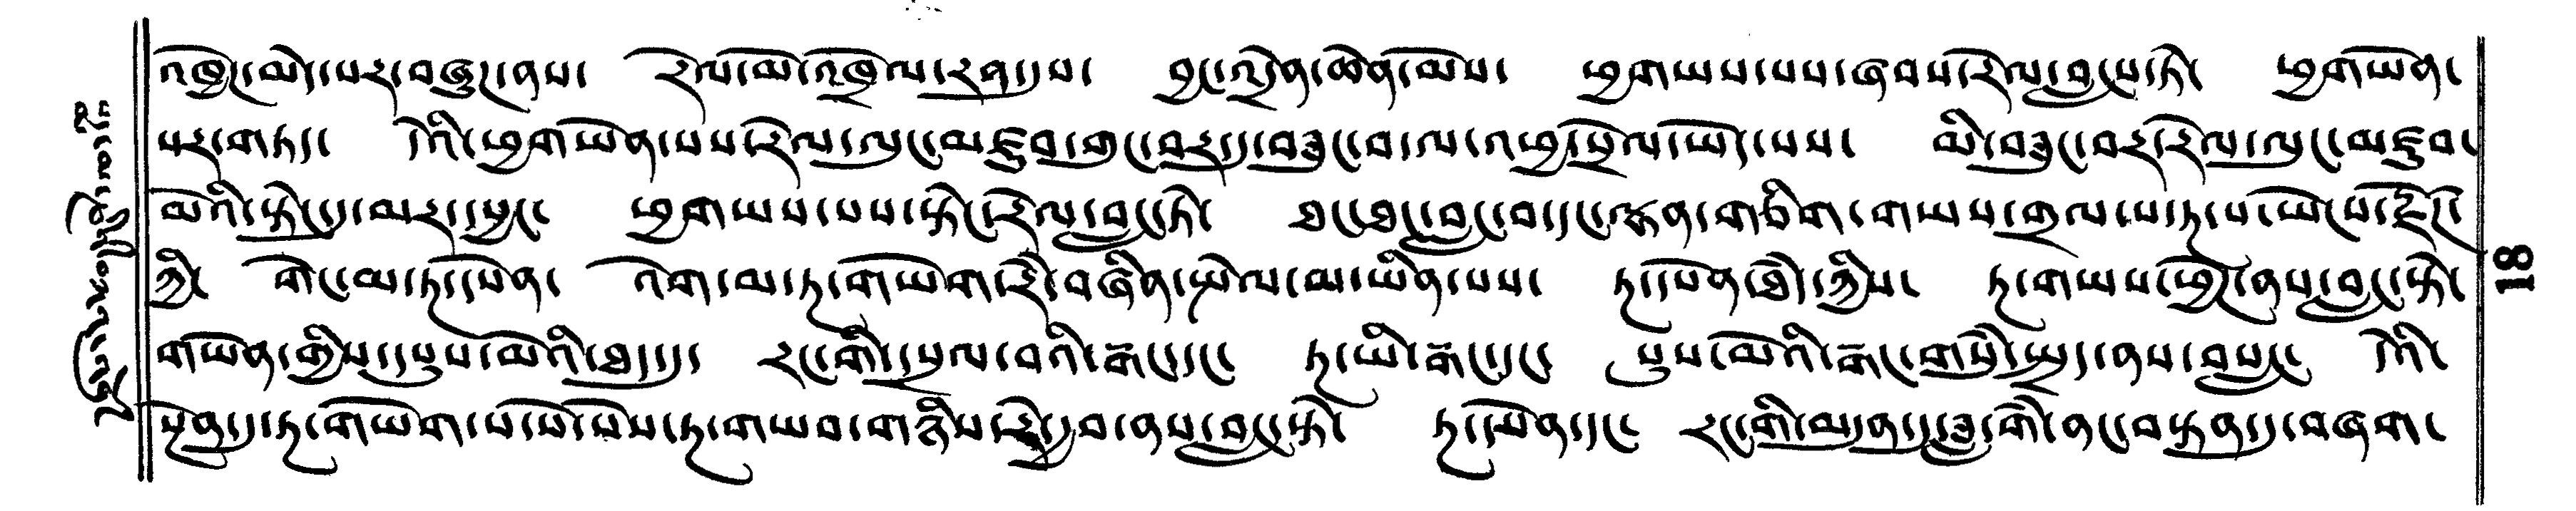ཁྱོག་མེད་པར་བཞུགས་ནས། རོལ་མོ་འཁྲོལ་རན་དུས། བྱང་འདྲེན་ཆེན་མོས། ཕྱག་གཡས་པས་ཞབས་རོལ་བླངས་ཏེ། ཕྱག་གཡོན་
པར་གཏད། དེའི་ཕྱག་གཡོན་པས་རོལ་ལུང་མཛུབ་གུང་བར་དུ་བཟུང་བ་ལ་འཕྱ་སྲོལ་ཡོད་པས། མི་བཟུང་བར་རོལ་ལུང་མཛུབ་
མོའི་སྟེང་དུ་མར་དཔྱང་།ཕྱག་གཡས་པས་སྟེང་རོལ་བླངས་ཏེ། ཐང་ཐང་བླང་བ་དང་ལྷན་གཅིག་གཡས་གྲལ་པ་རྔ་པ་ཡོངས་རྫོགས་
ཀྱི། གོང་མ་རྔ་དཔོན། འོག་མ་རྔ་གཡོག་རེ་རེ་བཞིན་སྤེལ་མ་ཡིན་པས། རྔ་དཔོན་ཐམས་ཅད་ཀྱིས། རྔ་གཡས་ཕྱོགས་ནས་བླངས་སྟེ་
གཡོན་གྱིས་དཔུས་མོའི་ཐད་དུ། རང་གི་དཔྲལ་བའི་སྒང་། རྔ་ཡི་སྒང་དང་། པུས་མོའི་སྒང་གསུམ་སྤྲད་ནས་བསླང་། དེའི་
སྔོན་དུ་རྔ་གཡོག་པ་སོ་སོས་རྔ་གཡུག་གཉིས་རེ་རྒྱབ་ནས་བླངས་སྟེ། རྔ་དཔོན་དང་། རང་གི་མདུན་དུ་ཟླ་གམ་ནང་བསྟན་དུ་བཞག་